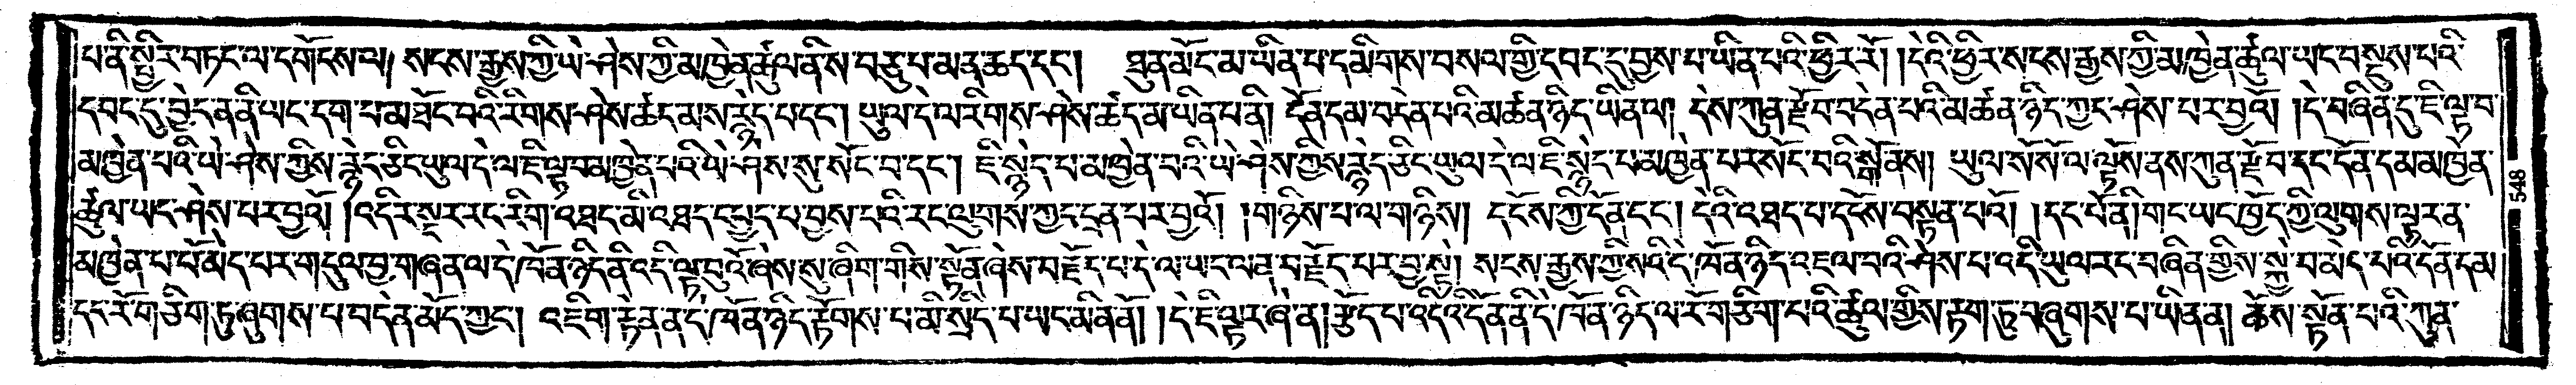པ་ནི་སྤྱིར་བཏང་ལ་དགོངས་ལ། སངས་རྒྱས་ཀྱི་ཡེ་ཤེས་ཀྱི་མཁྱེན་ཚུལ་ནི་ས་བཅུ་པ་མན་ཆད་དང་། ཐུན་མོང་མ་ཡིན་པ་དམིགས་བསལ་གྱི་དབང་དུ་བྱས་པ་ཡིན་པའི་ཕྱིར་རོ། །དེའི་ཕྱིར་སངས་རྒྱས་ཀྱི་མཁྱེན་ཚུལ་ཡང་བསྡུས་པའི་
དབང་དུ་བྱེད་ན་ནི་ཡང་དག་པ་མཐོང་བའི་རིགས་ཤེས་ཚད་མས་རྙེད་པ་དང་། ཡུལ་དེ་ལ་རིགས་ཤེས་ཚད་མ་ཡིན་པ་ནི། དོན་དམ་བདེན་པའི་མཚན་ཉིད་ཡིན་ལ། དེས་ཀུན་རྫོབ་བདེན་པའི་མཚན་ཉིད་ཀྱང་ཤེས་པར་བྱའོ། །དེ་བཞིན་དུ་ཇི་ལྟ་བ་
མཁྱེན་པའི་ཡེ་ཤེས་ཀྱིས་རྙེད་ཅིང་ཡུལ་དེ་ལ་ཇི་ལྟ་བ་མཁྱེན་པའི་ཡེ་ཤེས་སུ་སོང་བ་དང་། ཇི་སྙེད་པ་མཁྱེན་པའི་ཡེ་ཤེས་ཀྱིས་རྙེད་ཅིང་ཡུལ་དེ་ལ་ཇི་སྙེད་པ་མཁྱེན་པར་སོང་བའི་སྒོ་ནས། ཡུལ་སོ་སོ་ལ་ལྟོས་ནས་ཀུན་རྫོབ་དང་དོན་དམ་མཁྱེན་
ཚུལ་ཡང་ཤེས་པར་བྱའོ། །འདིར་སྔར་རང་རིག་འཐད་མི་འཐད་དཔྱད་པ་བྱས་པའི་རང་ལུགས་ཀྱང་དྲན་པར་བྱའོ། །གཉིས་པ་ལ་གཉིས། དངོས་ཀྱི་དོན་དང་། དེའི་འཐད་པ་དངོས་བསྟན་པའོ། །དང་པོ་ནི། གང་ཡང་ཁྱོད་ཀྱི་ལུགས་ལྟར་ན་
མཁྱེན་པ་པོ་མེད་པར་གདུལ་བྱ་གཞན་ལ་དེ་ཁོ་ན་ཉིད་ནི་འདི་ལྟ་བུའོ་ཞེས་སུ་ཞིག་གིས་སྟོན་ཞེས་བརྗོད་པ་དེ་ལ་ཡང་ལན་བརྗོད་པར་བྱ་སྟེ། སངས་རྒྱས་ཀྱི་སའི་དེ་ཁོ་ན་ཉིད་འཇལ་བའི་ཤེས་པ་འདི་ཡུལ་རང་བཞིན་གྱིས་སྐྱེ་བ་མེད་པའི་དོན་དམ་
དང་རོ་གཅིག་ཏུ་ཞུགས་པ་བདེན་མོད་ཀྱང་། འཇིག་རྟེན་ན་དེ་ཁོ་ན་ཉིད་རྟོགས་པ་མི་སྲིད་པ་ཡང་མིན་ནོ། །དེ་ཇི་ལྟར་ཞེ་ན། རྩོད་པ་འདིའི་དོན་ནི་དེ་ཁོ་ན་ཉིད་ལ་རོ་གཅིག་པའི་ཚུལ་གྱིས་རྟག་ཏུ་བཞུགས་པ་ཡིན་ན། ཆོས་སྟོན་པའི་ཀུན་